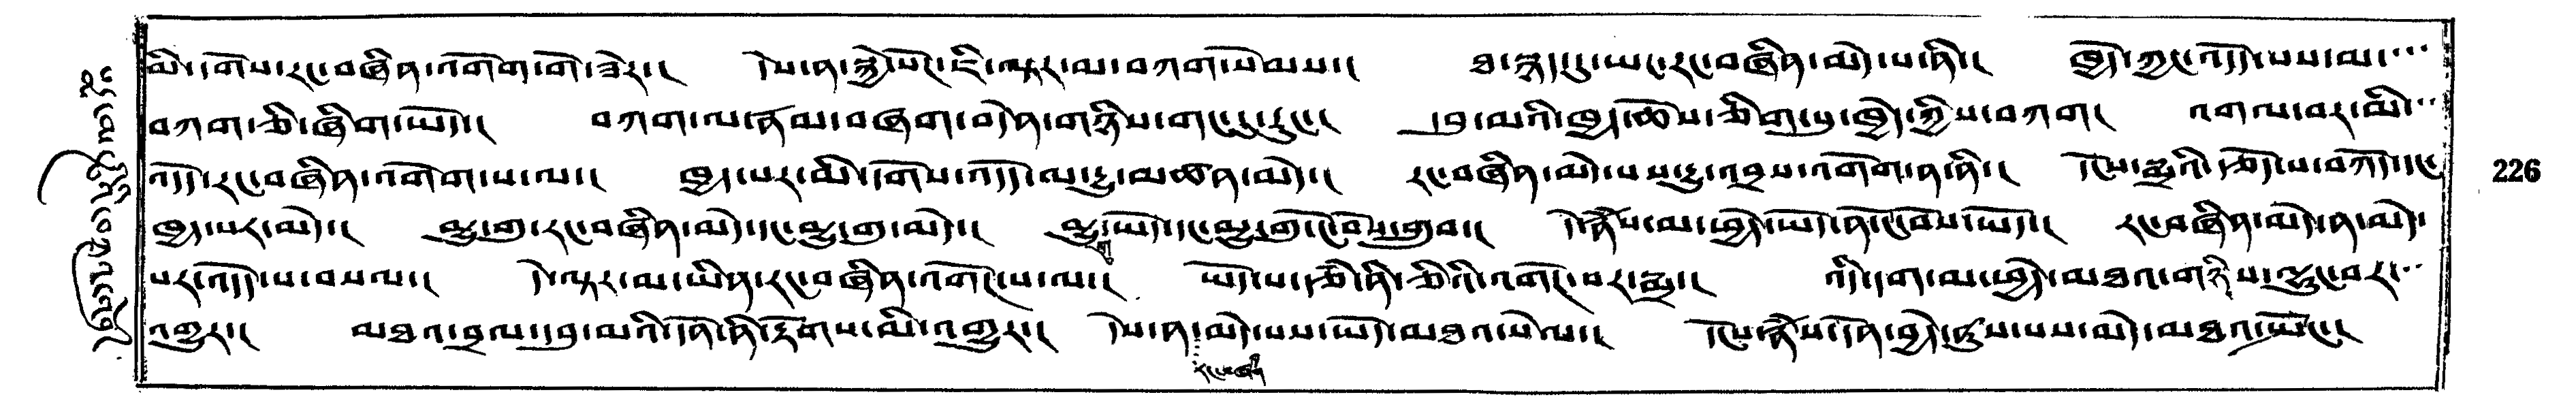མི་དགོས་རང་བཞིན་འགོག་གོ་ཟེར། །དེས་ན་སྐྱེ་སོགས་ཇི་ལྟར་མ་བཀག་སེམས། །ཐ་སྙད་དུ་ཡང་རང་བཞིན་མེད་པ་ནི། ཁྱོད་ཀྱང་འདོད་པས་མ་
བཀག་ཅི་ཞིག་ཡོད། །བཀག་ལ་རྣམ་བཞག་བདེན་གཉིས་གང་དུ་རུང་། །དབུ་མའི་ཁྱད་ཆོས་ཅིག་པུ་ཁྱེད་ཀྱིས་བཀག །འགལ་བར་མི་
འདོད་རང་བཞིན་འགོག་པ་ལ། ཁྱད་པར་མི་དགོས་འདོད་ན་རྒྱུ་མཚན་མེད། །རང་བཞིན་མེད་པས་རྒྱུ་འབྲས་འགོག་ན་ནི། །དངོས་སྨྲའི་རྩོད་པ་བཀོད་དང་
ཁྱད་པར་མེད། །མྱུ་གུ་རང་བཞིན་མེད་དང་མྱུ་གུ་མེད། །མྱུ་གུ་ཡོད་དང་མྱུ་གུ་ངོ་བོས་གྲུབ། །དེ་རྣམས་མ་ཕྱེད་ཡོད་ན་ངོ་བོས་ཡོད། །རང་བཞིན་མེད་ན་མེད་
པར་འདོད་པ་བསལ། །དེ་ལྟར་མ་ཡིན་རང་བཞིན་འགོག་པ་ལ། །ཡོད་པ་ཙམ་ནི་ཅི་ཡིས་འགོག་པར་སྨྲ། །འདི་དག་མ་ཕྱེད་མཐའ་གཉིས་ལྷུང་བར་
འགྱུར། །མཐའ་བྲལ་དབུ་མའི་དོན་ནི་རྟོགས་མི་འགྱུར། །དེས་ན་རང་བཞིན་མེད་པས་ཡོད་མཐའ་སེལ། །དངོས་རྣམས་དོན་བྱེད་ནུས་པས་མེད་མཐའ་སྤོང་། །